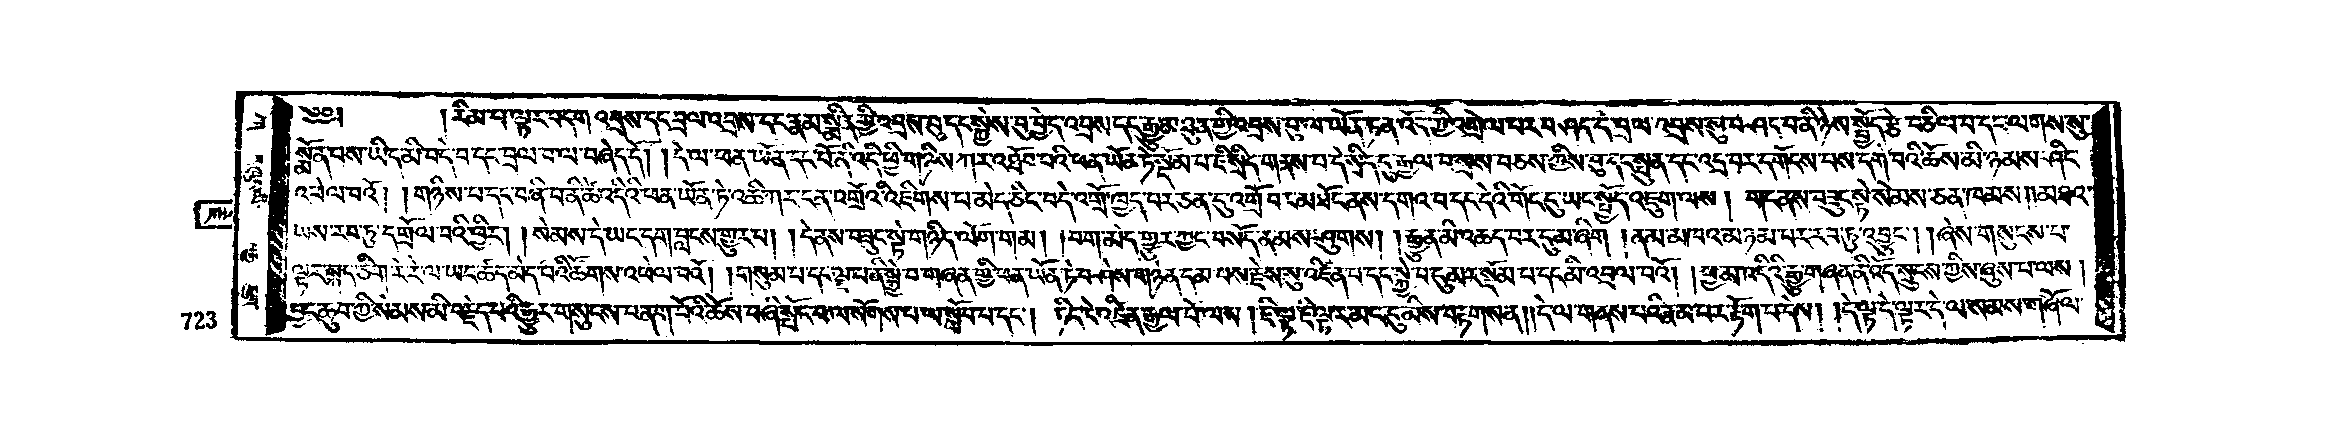༄༅། །རིམ་པ་ལྟར་བདག་འབྲས་དང་བྲལ་འབྲས་དང་རྣམ་སྨིན་གྱི་འབྲས་བུ་དང་སྐྱེས་བུ་བྱེད་འབྲས་དང་རྒྱུ་མཐུན་གྱི་འབྲས་བུ་ལ་ཡོན་ཏན་འོད་ཀྱི་འགྲེལ་པར་བཤད་དེ་བྲལ་འབྲས་སུ་བཤད་པ་ནི་ཉེས་སྤྱོད་རྩེ་བཅིལ་བ་དང་ལགས་སུ་
སྨོན་པས་ཡིད་མི་བདེ་བ་དང་བྲལ་བ་ལ་བཞེད་དོ། །དེ་ལ་ཕན་ཡོན་དང་པོ་ནི་འདི་ཕྱི་གཉིས་ཀར་འཐོབ་པའི་ཕན་ཡོན་ཏེ་སྡོམ་པ་ཇི་སྲིད་གནས་པ་དེ་སྲིད་དུ་རྒྱལ་བ་སྲས་བཅས་ཀྱིས་བུ་དང་སྤུན་དང་འདྲ་བར་དགོངས་པས་དགེ་བའི་ཆོས་མི་ཉམས་ཤིང་
འཕེལ་བའོ། །གཉིས་པ་དང་བཞི་པ་ནི་ཚེ་འདིའི་ཕན་ཡོན་ཏེ་འཆི་ཀར་ངན་འགྲོའི་འཇིགས་པ་མེད་ཅིང་བདེ་འགྲོ་ཁྱད་པར་ཅན་དུ་འགྲོ་བར་མཐོང་ནས་དགའ་བ་དང་དེའི་གོང་དུ་ཡང་སྤྱོད་འཇུག་ལས། གང་ནས་བཟུང་སྟེ་སེམས་ཅན་ཁམས། །མཐའ་
ཡས་རབ་ཏུ་དགྲོལ་བའི་ཕྱིར། །སེམས་དེ་ཡང་དག་བླངས་གྱུར་པ། །དེ་ནས་བཟུང་སྟེ་གཉིད་ལོག་གམ། །བག་མེད་གྱུར་ཀྱང་བསོད་ནམས་ཤུགས། །རྒྱུན་མི་འཆད་བར་དུ་མ་ཞིག །ནམ་མཁའ་མཉམ་པར་རབ་ཏུ་འབྱུང་། །ཞེས་གསུངས་པ་
ལྟར་སྐད་ཅིག་རེ་རེ་ལ་ཡང་ཚད་མེད་པའི་ཚོགས་འཕེལ་བའོ། །གསུམ་པ་དང་ལྔ་པ་ནི་སྐྱེ་བ་གཞན་གྱི་ཕན་ཡོན་ཏེ་བཤེས་གཉེན་དམ་པས་རྗེས་སུ་འཛིན་པ་དང་སྐྱེ་བ་དུ་མར་སྡོམ་པ་དང་མི་འབྲལ་བའོ། །ཕྱི་མ་འདིའི་རྒྱུ་གཞན་ནི་འོད་སྲུངས་ཀྱིས་ཞུས་པ་ལས།
བྱང་ཆུབ་ཀྱི་སེམས་མི་བརྗེད་པའི་རྒྱུར་གསུངས་པ་ནག་པོའི་ཆོས་བཞི་སྤོང་བ་ལ་སོགས་པ་ལ་སློབ་པ་དང་། ཏིང་ངེ་འཛིན་རྒྱལ་པོ་ལས། ཇི་ལྟ་ཇི་ལྟར་མང་དུ་མིས་བརྟགས་ན། །དེ་ལ་གནས་པའི་རྣམ་པར་རྟོག་པ་དེས། །དེ་ལྟ་དེ་ལྟར་དེ་ལ་སེམས་གཞོལ་